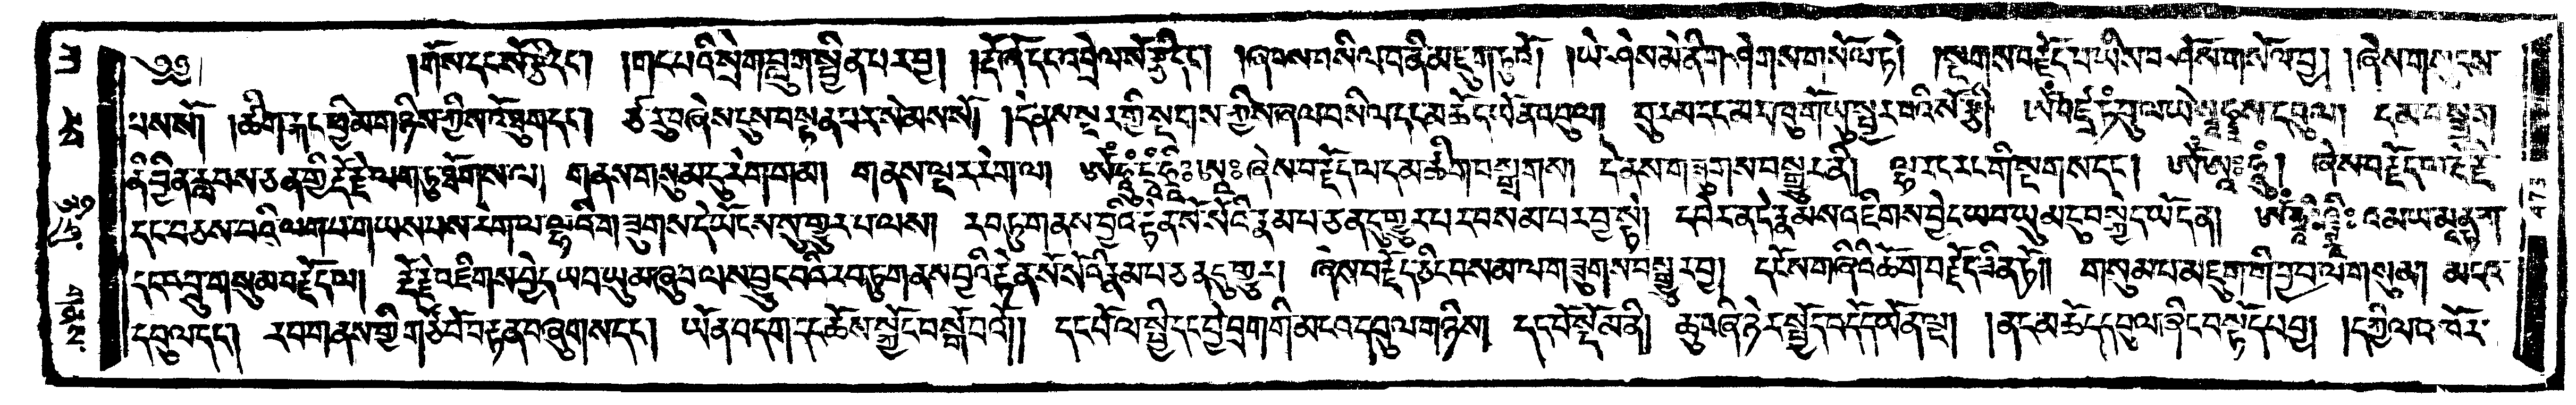༄༅། །གོས་དང་སོ་རྩི་དང་། །གང་པའི་སྲེག་བླུག་སྦྱིན་པར་བྱ། །རྡོ་ཞོ་དང་འབྲེལ་སོ་རྩི་དང་། །ཞབས་བསིལ་བ་ནི་མཇུག་ཏུའོ། །ཡེ་ཤེས་མིན་ནི་གཤེགས་གསོལ་ཏེ། །སྔགས་བརྗོད་པ་ཡིས་བཤོས་གསོལ་བྱ། །ཞེས་གསུངས་
པས་སོ། །ཚིག་རྐང་ཕྱི་མ་གཉིས་ཀྱིས་འོ་ཐུག་དང་། རྩ་རུ་ཞེས་དུས་བསྟན་པར་སེམས་སོ། །དེ་ནས་སྔར་གྱི་སྔགས་ཀྱིས་ཞལ་བསིལ་དང་མཆོད་ཡོན་འབུལ། བུ་རམ་དང་མར་ཁུ་གོ་ཡུ་སྦྱར་བའི་སོ་རྩི། ཨོཾ་བཛྲ་ཏཾ་བུ་ལ་ཡེ་སྭཱ་ཧཱས་དབུལ། དམ་བསྒྲུབ་
ནི་བྱིན་རླབས་ཅན་གྱི་རྡོ་རྗེ་ལག་ཏུ་ཐོགས་ལ། གནས་གསུམ་དུ་རེག་གམ། གནས་ལྔར་རེག་ལ། ཨོཾ་ཧཱུཾ་ཧཱུཾ་དྲཱཾ་ཧྲཱིཿ ཞེས་བརྗོད་ལ་དམ་ཚིག་བསྒྲགས། དེ་ནས་གཞུགས་བསྒྱུར་ནི། ལྷ་རང་རང་གི་སྔགས་དང་། ཨོཾ་ཨཱཿ ཧཱུཾ། ཞེས་བརྗོད་ལ་རྡོ་རྗེ་
དང་བཅས་པའི་ལ་གྱ་གཡས་པས་རེག་ལ་ལྷའི་གཟུགས་དེ་ཡོངས་སུ་གྱུར་པ་ལས། རབ་ཏུ་གནས་བྱའི་རྟེན་སོ་སོའི་རྣམ་པ་ཅན་དུ་གྱུར་པ་རབས་མ་བར་བྱ་སྟེ། དབེར་ན་དེ་རྣམས་འཇིགས་བྱེད་ཡབ་ཡུམ་དུ་བསྐྱེད་ཡོད་ན། ཨོཾ་ཧྲཱི་ཥྚྲཱིཿ འམ་ཡ་མངནྟ་ཀ་
དང་འབྲུ་གསུམ་བརྗོད་ལ། རྡོ་རྗེ་འཇིགས་བྱེད་ཡབ་ཡུམ་ཡུ་བ་ལས་བྱུང་བའི་རབ་ཏུ་གནས་བྱའི་རྟེན་སོ་སོའི་རྣམ་པ་ཅན་དུ་གྱུར། ཞེས་བརྗོད་ཅིང་བསམ་ལ་གཟུགས་བསྒྱུར་བྱ། དངོས་གཞིའི་ཆོག་བརྗོད་ཟིན་ཏོ། །གསུམ་པ་འཇུག་གི་བྱ་བ་ལ་གསུམ། མདའ་
དབུལ་དང་། རབ་གནས་གྱི་གཙོ་བོ་བརྟན་བཞུགས་དང་། ཡོན་བདག་དང་ཆོས་སྐྱོང་བསྒོ་བའོ། །དང་པོ་ལ་སྤྱི་དང་བྱེ་བྲག་གི་མངའ་དབུལ་གཉིས་དང་པོ་སྡོམ་ནི། ཆུ་བཞི་ཉེར་སྤྱོད་བདོད་ཡོན་ལྔ། །ནང་མཆོད་དབུལ་ཞིང་བསྟོད་པར་བྱ། །དཀྱིལ་འཁོར་